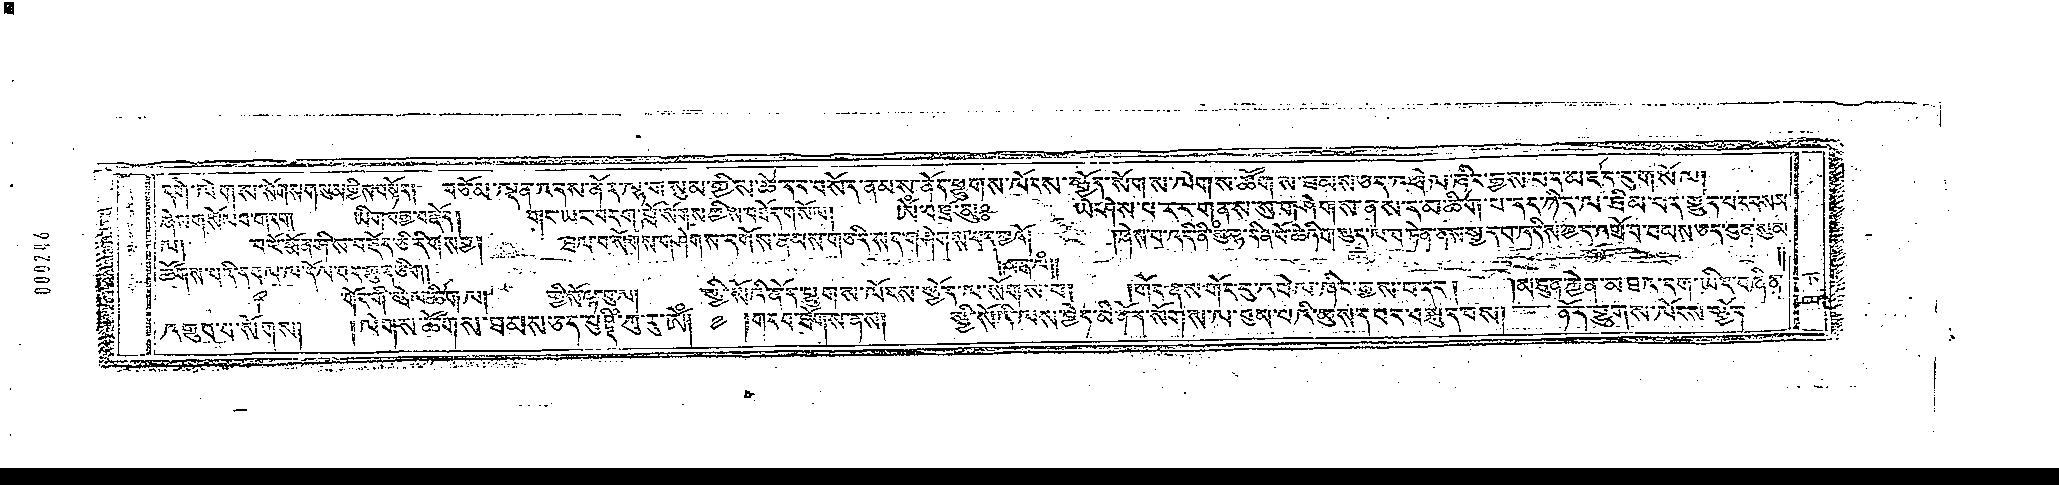དགེ་ལེགས་སོགས་གསུམ་གྱིས་བསྟོད། བཅོམ་ལྡན་འདས་ནོར་ལྷ་གསུམ་གྱིས་ཚེ་དང་བསོད་ནམས་ནོར་ཕྱུགས་ལོངས་སྤྱོད་སོགས་ལེགས་ཚོགས་ཐམས་ཅད་འཕེལ་ཞིང་རྒྱས་པར་མཛད་དུ་གསོལ།
ཞེས་གསོལ་བ་གདབ། །ཡིག་བརྒྱ་བརྗོད། །གང་ཡང་བདག་བློ་སོགས་ཀྱིས་བཟོད་གསོལ། །ཨོཾ་བཛྲ་མུཿ་ཡེ་ཤེས་པ་རང་གནས་སུ་གཤེགས་ནས་དམ་ཚིག་པ་རང་ཉིད་ལ་ཐིམ་པར་གྱུར་བར་བསམ་
ལ༑ །བསྔོ་སྨོན་ཤིས་བརྗོད་ཅི་རིགས་བྱ། །ཐལ་བ་སོགས་གཤེགས་དགོས་རྣམས་གཅང་སར་གཤེགས་བར་བྱའོ། །ཞེས་པ་འདི་ནི་སི?སུ?་ཧ་རིཤ་བོ་ཆེའི་གསུང་ལ་བཏེན་ནས་རྒྱར་བ་འདིས་ཀྱང་འགྲོ་བ་ཐམས་ཅད་ཕུན་སུམ་
ཚོགས་པའི་དཔལ་ལ་རོལ་བར་གྱུར་ཅིག། མག་མངྒ་ལཾ་
༈ །གོང་གི་སྤེལ་ཚིག་ལ། །སྤྱི་སོ་ལྟ་བུ་ལ། སྤྱའི་སོའི་ནོར་ཕྱུགས་ལོངས་སྤྱོད་ལ་སོགས་པ། །གོང་ནས་གོང་དུ་འཕེལ་ཞིང་རྒྱས་པ་དང་། །མཐུན་ཀྱེན་མཐའ་དག་ཡིད་བཞིན་
འགྲུབ་པ་སོགས། །ལེགས་ཚོགས་ཐམས་ཅད་པུཥྚིཾ་ཀུ་རུ་ཨོཾ། ༧་།གང་བ་འོགས་ནས། སྤྱི་སོའི་ལས་བྱེད་ལེ་ནོར་སོགས་ལ་བུམ་པའི་ཆུས་དབང་བསྐུར་བས། །ནོར་ཕྱུགས་ལོངས་སྤྱོད་